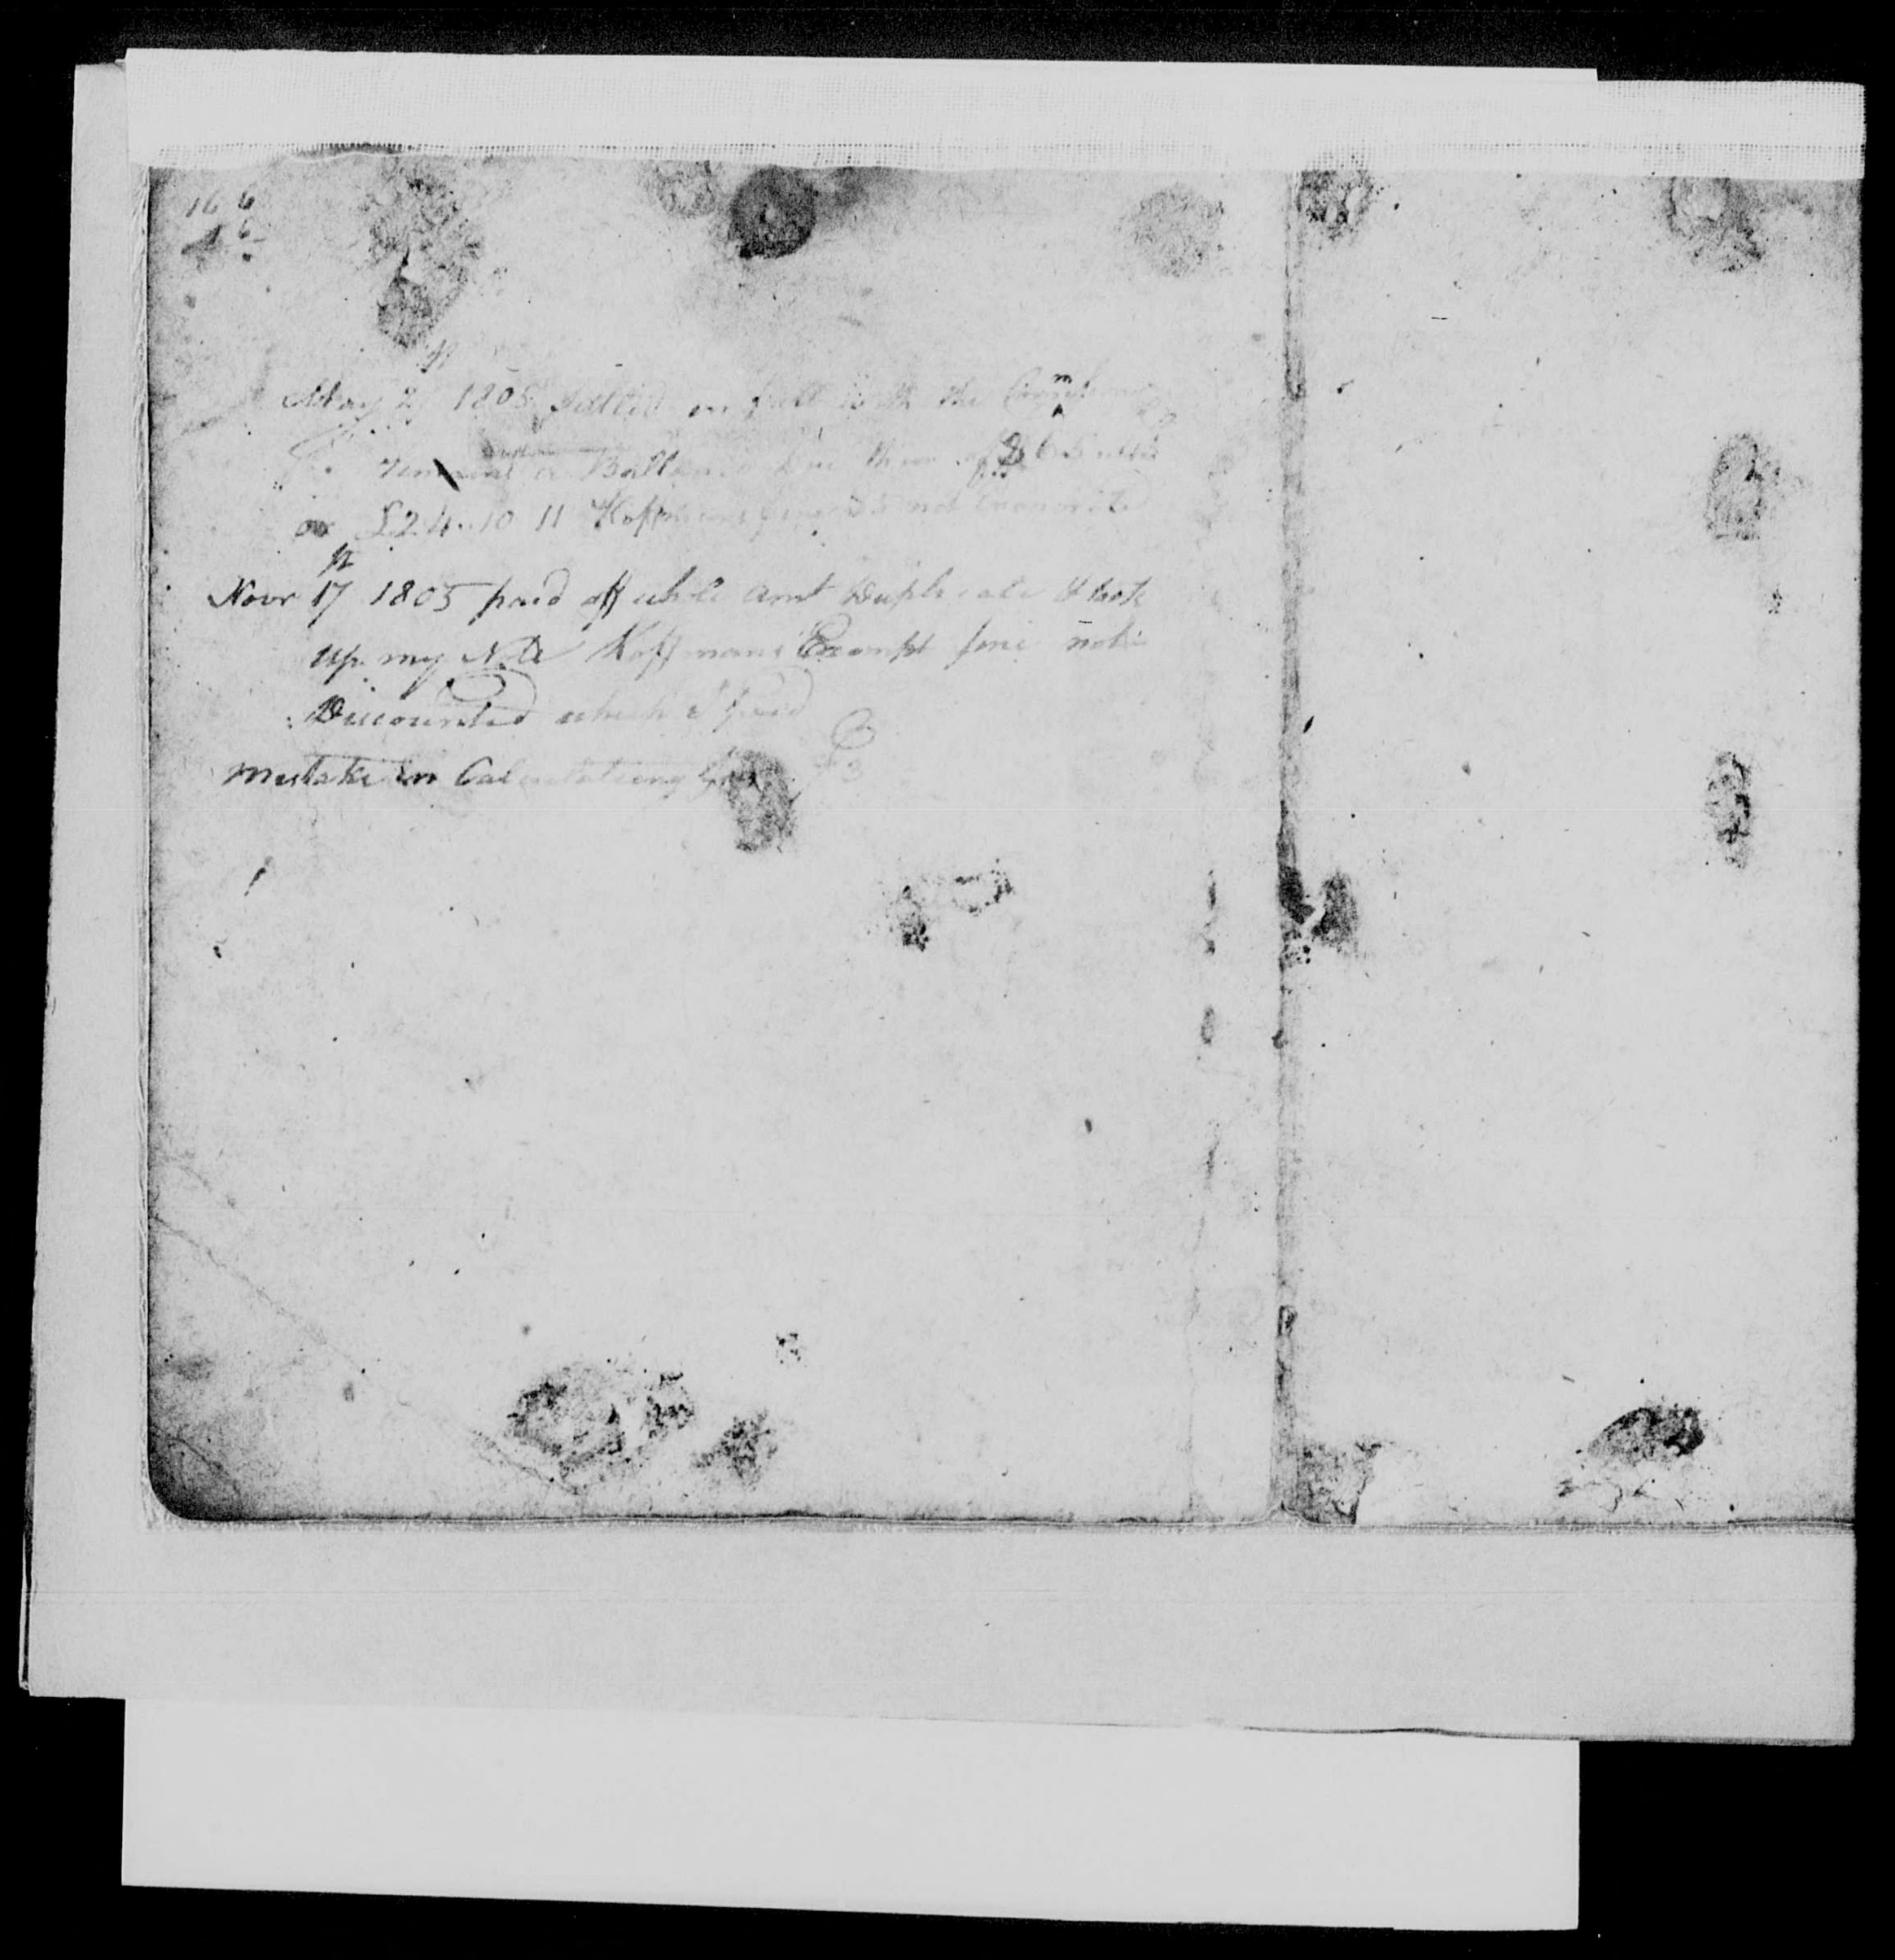166
May 27 1805 settled in full with the commissioner
[illegible] or Balance [sic] due them of $6.5 [illegible] or £24.10.11 Koffmans fine $5 not [illegible] 
November 17 1805 paid off whole amount duplicate and took up my note Koffmans Exempt fine not 
Discounted which I paid 
mistake in calculating [illegible] C 3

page: 15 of 57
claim: survivor's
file: S. 2161, Hezekiah Davies, Penn